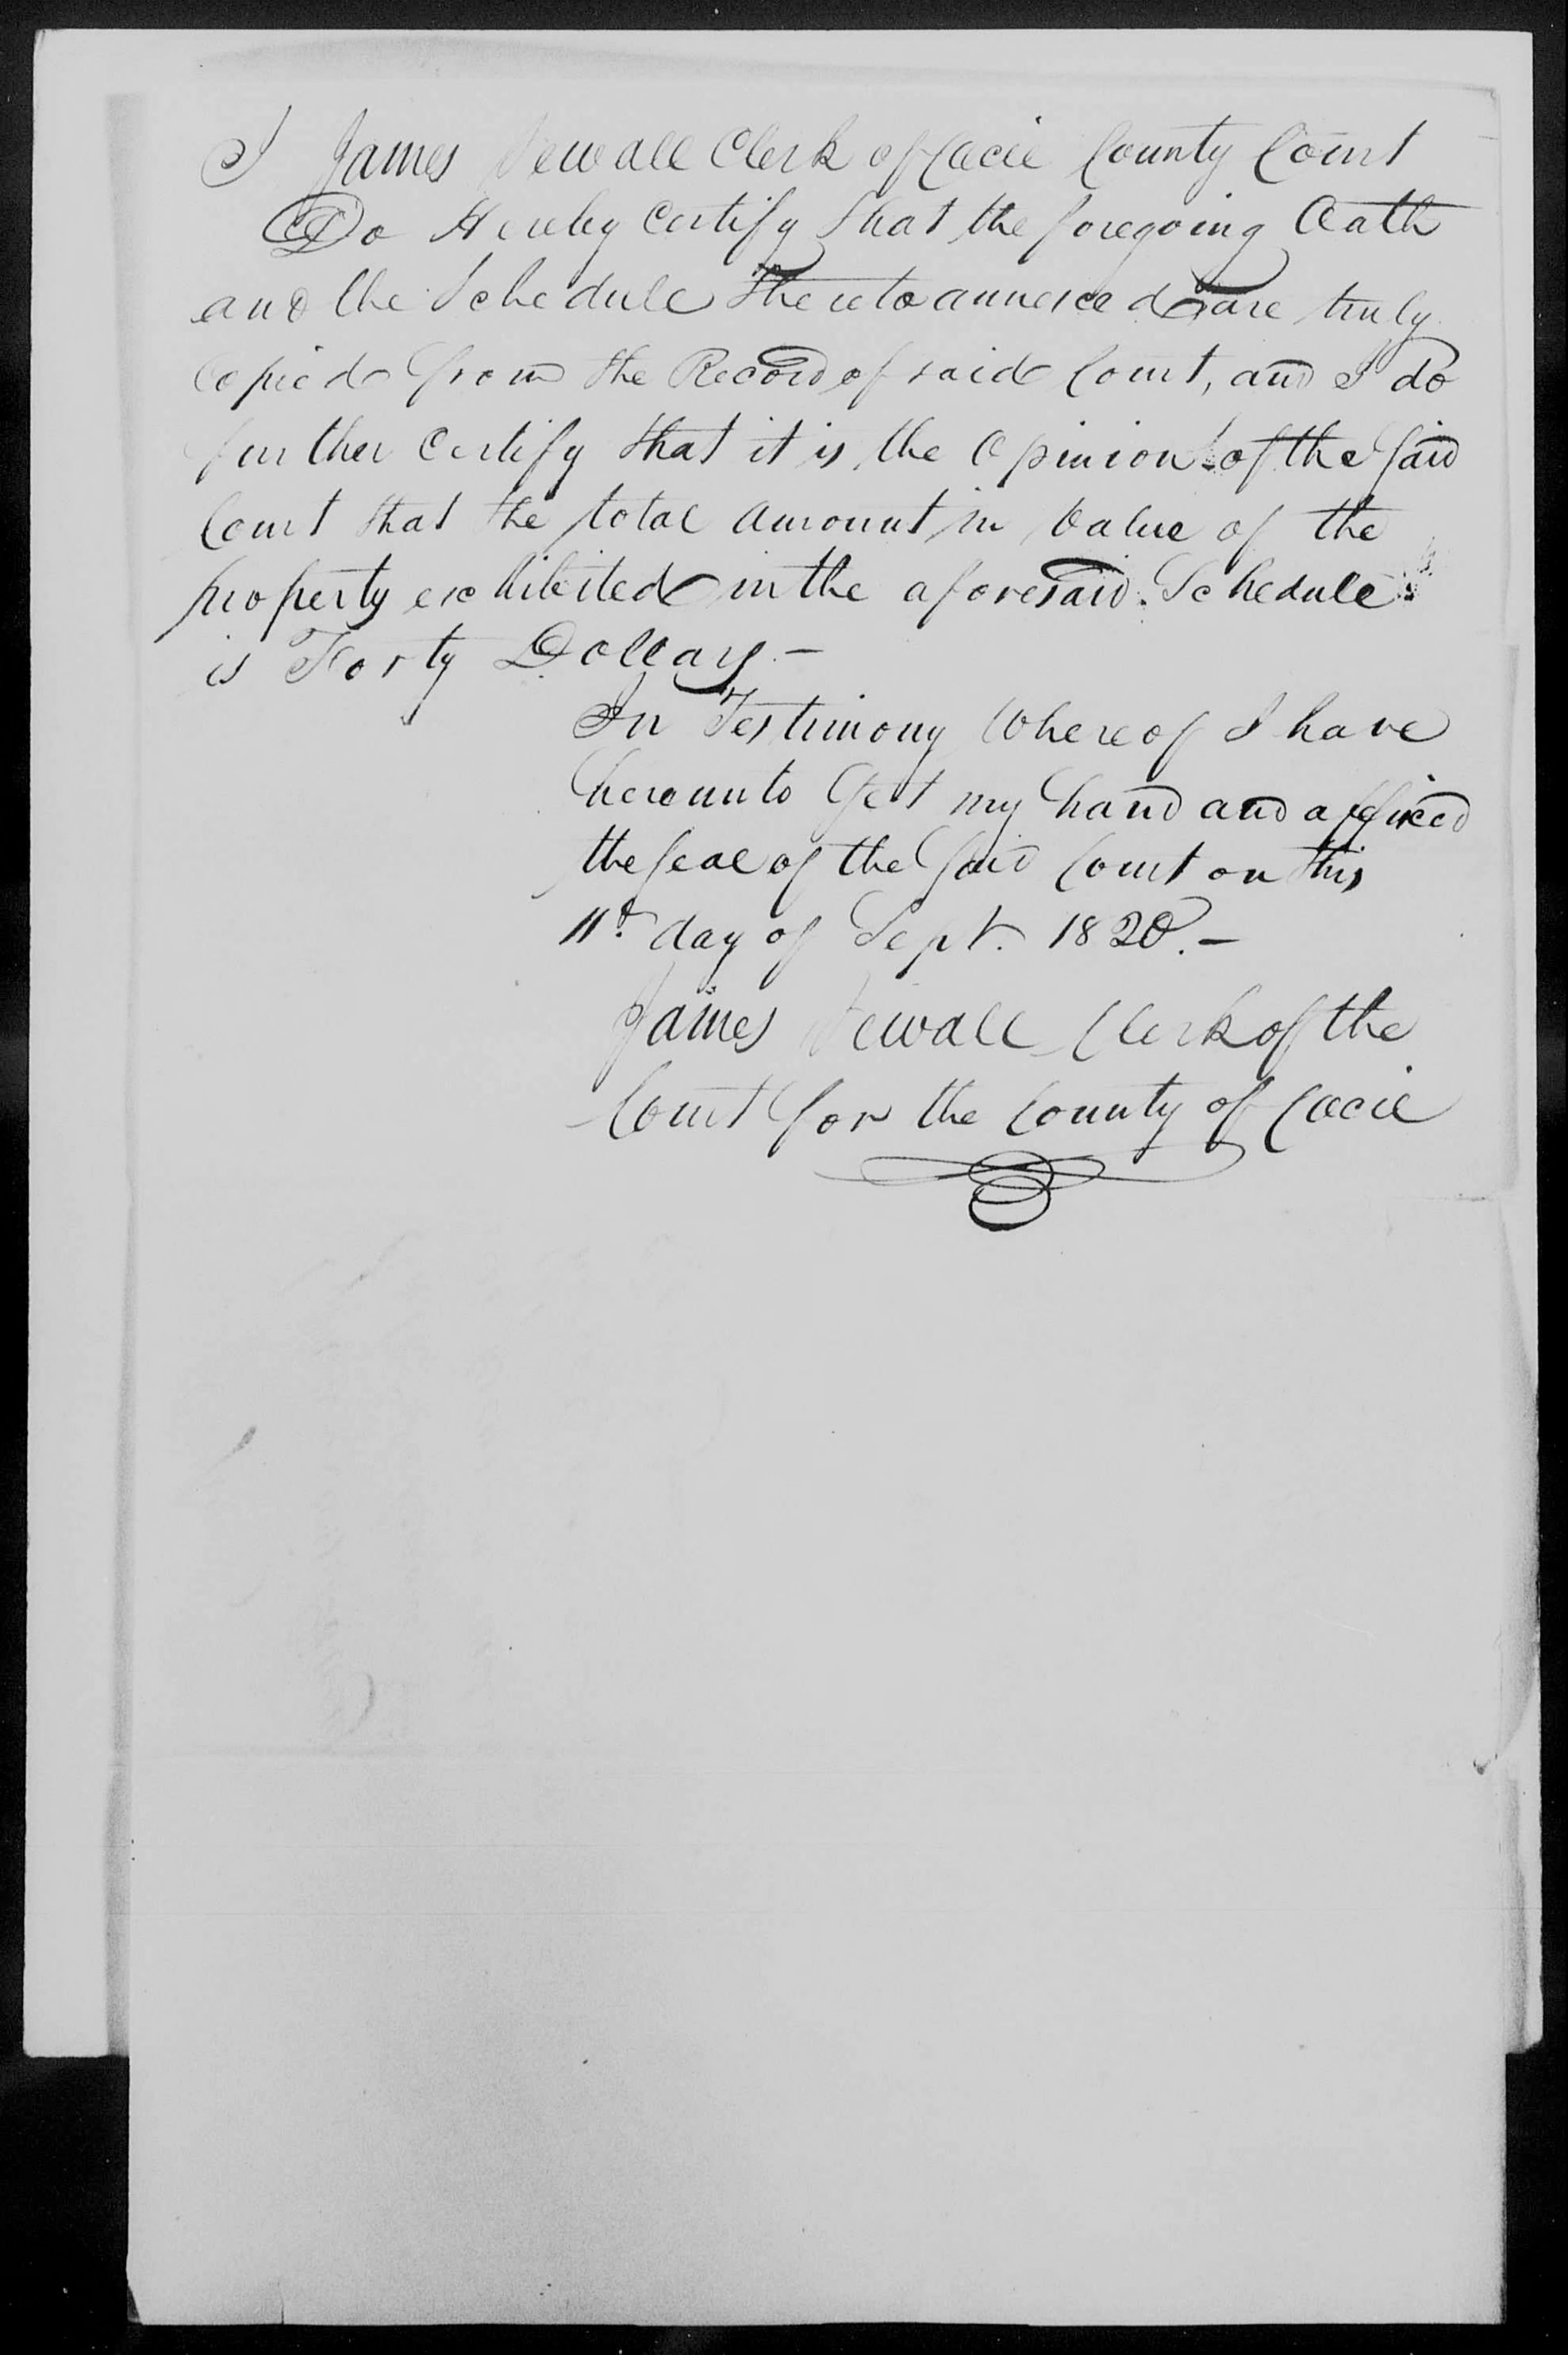I James Sewell clerk of Cecil county court
do here by certify that the foregoing oath
and the Schedule the autoannoced are truly
copied from the Record of said court and I do
further certify that it is the opinion of the fair
Court that the total amount in value of the 
property exhibited in the aforesaid schedule
is Forty dollars
In Testimony where of I have
here unto set my hand and affixed
the seal of the fair court on this
11th day of Sept. 1820
James Sewall Cleark of the 
Court for the county of Cecil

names: James Sewall, James Sewall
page: 7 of 11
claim: survivor's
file: S. 34,661, Stephen Lewis Bowen, Md.